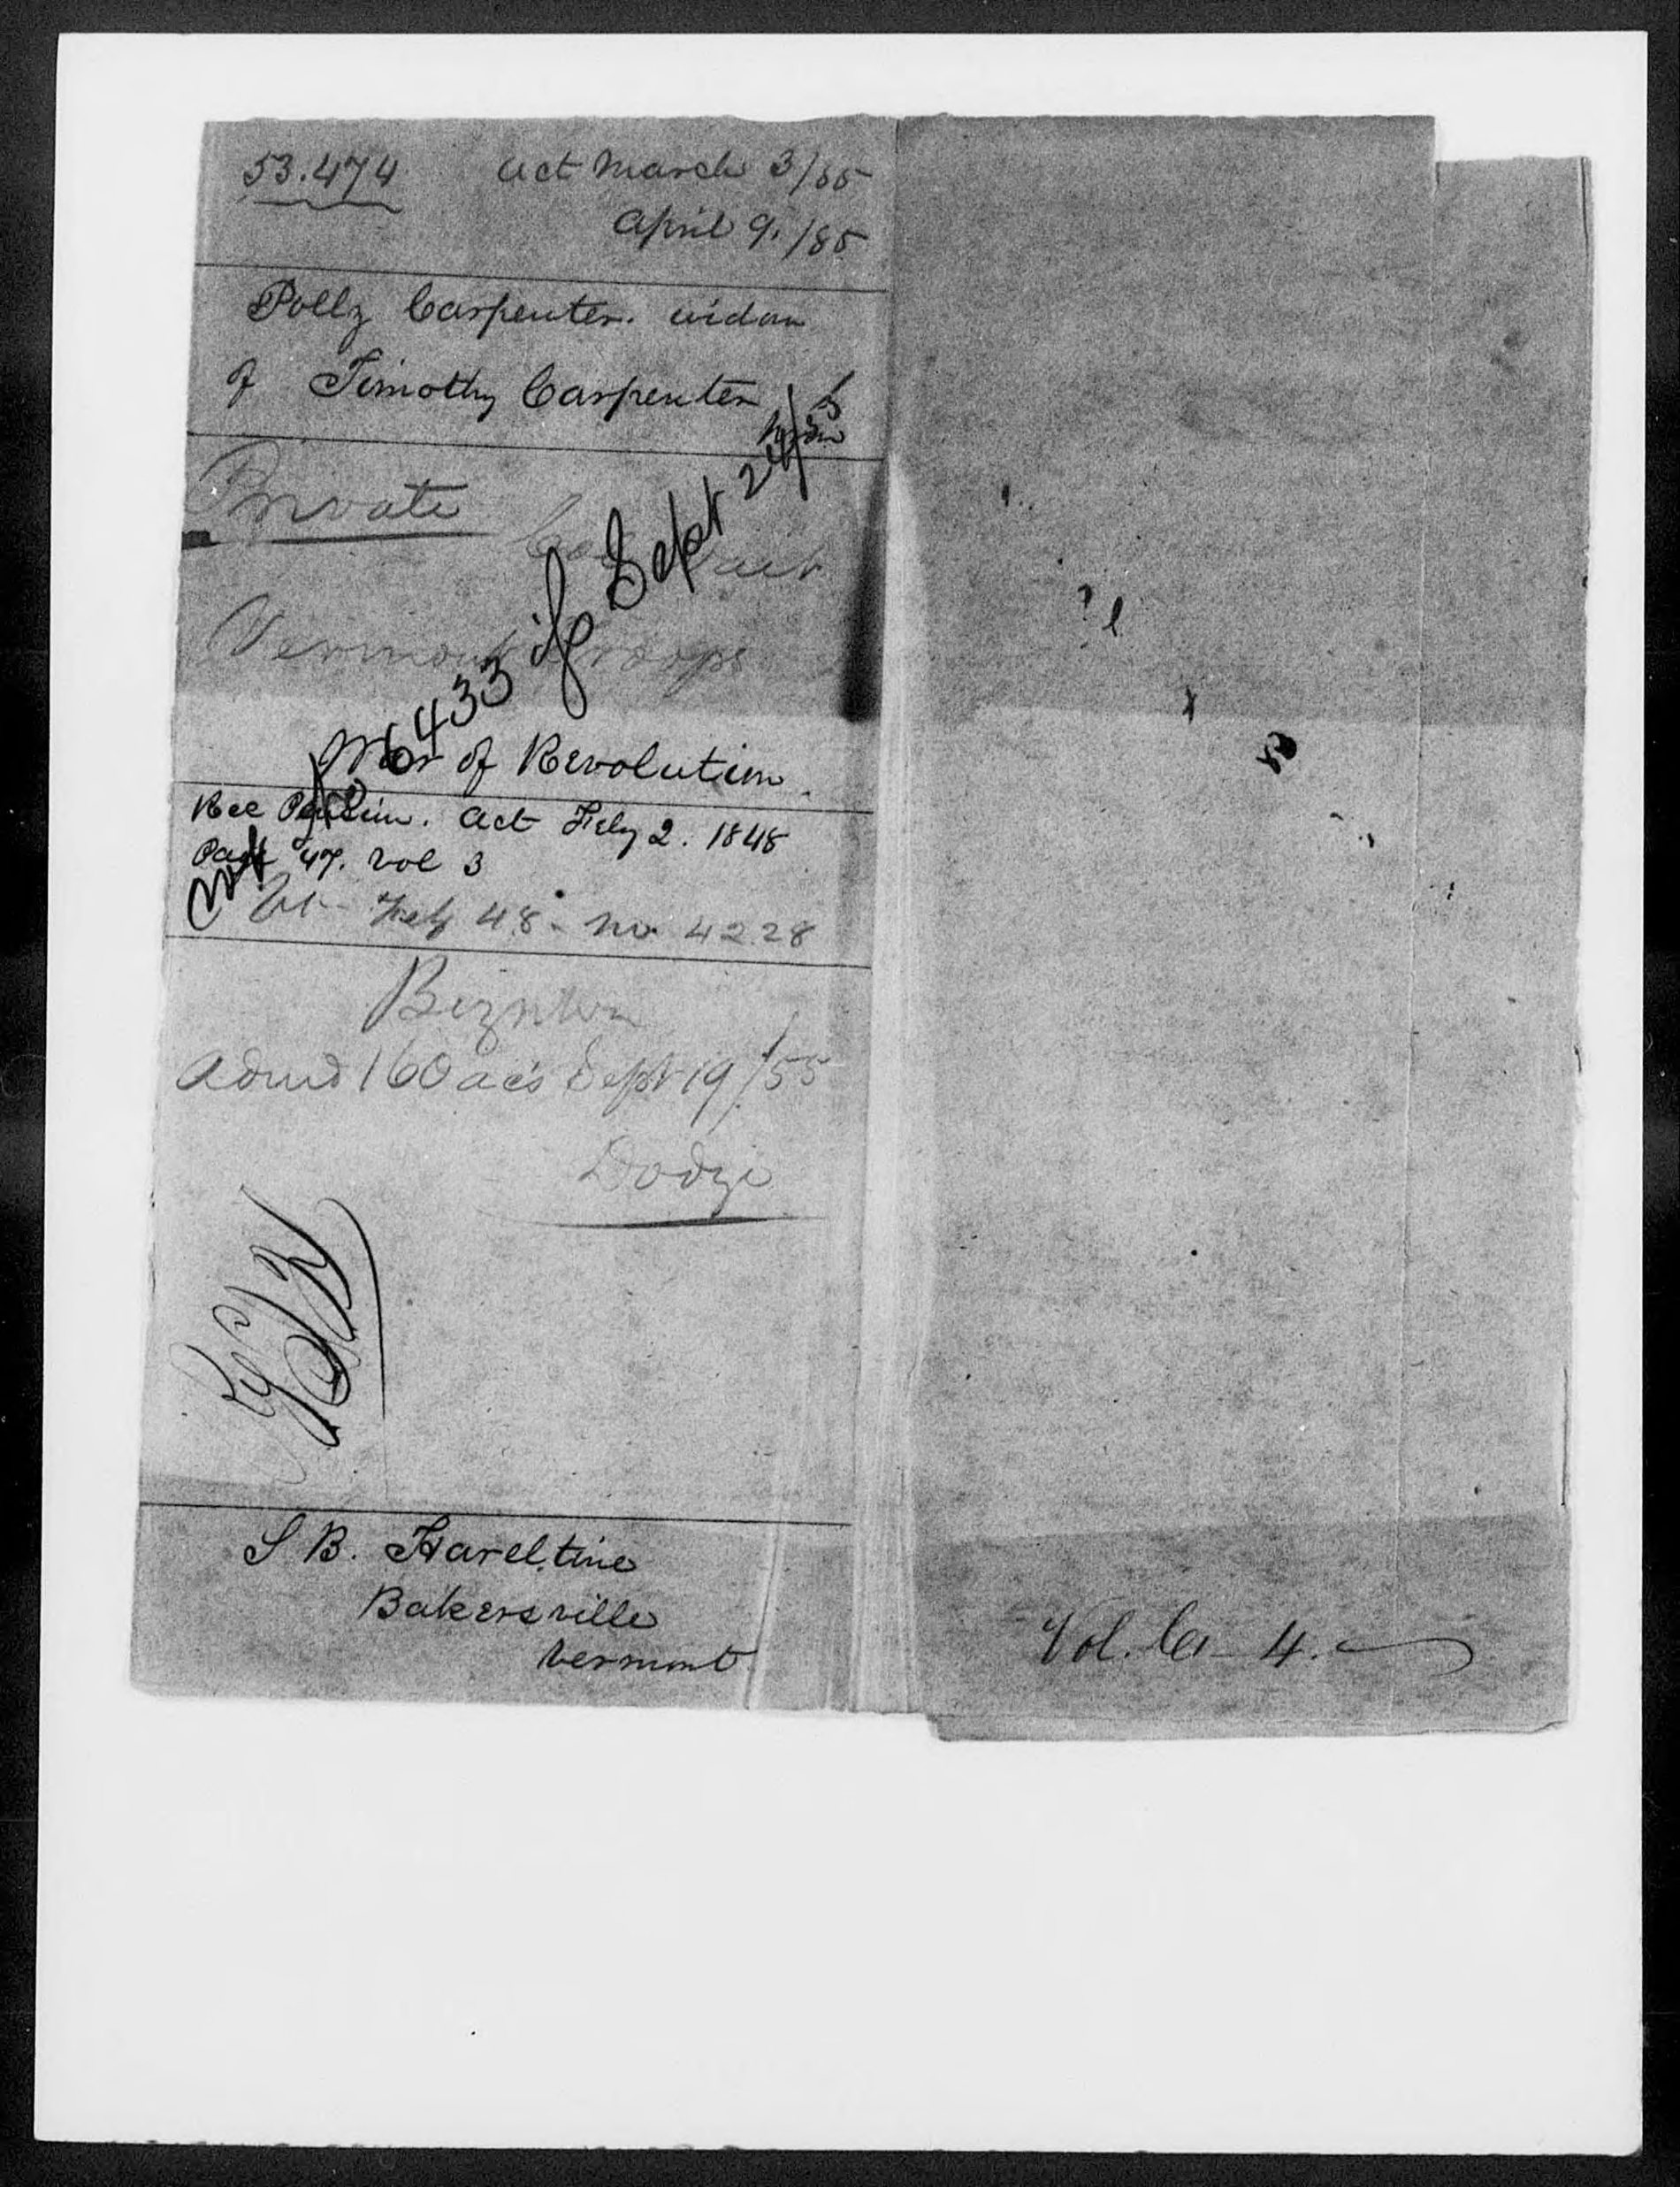[verso]

53.474 act March 3/55
April 9./85

Polly Carpenter. widow of Timothy Carpenter
______
Private Col Wait Vermont Troops
War of Revolution.
Rec Pension. Act Feby 2. 1848
Page 47. vol 3
Vt. - Feby 48 - no. 4228
______
Boynton
admd 160 ac's Sept 19/55
Dodge
[overwritten: not Acc 6433 iss Sept 24/55]
[margin note: Reg'd SH]

S. B. Hazeltine
Bakersville Vermont

[recto]

Vol C. - 4. -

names: S B Hazeltine, Polly Carpenter, Timothy Carpenter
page: 11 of 41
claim: widow's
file: W. 15627, Timothy Carpenter, Vt.